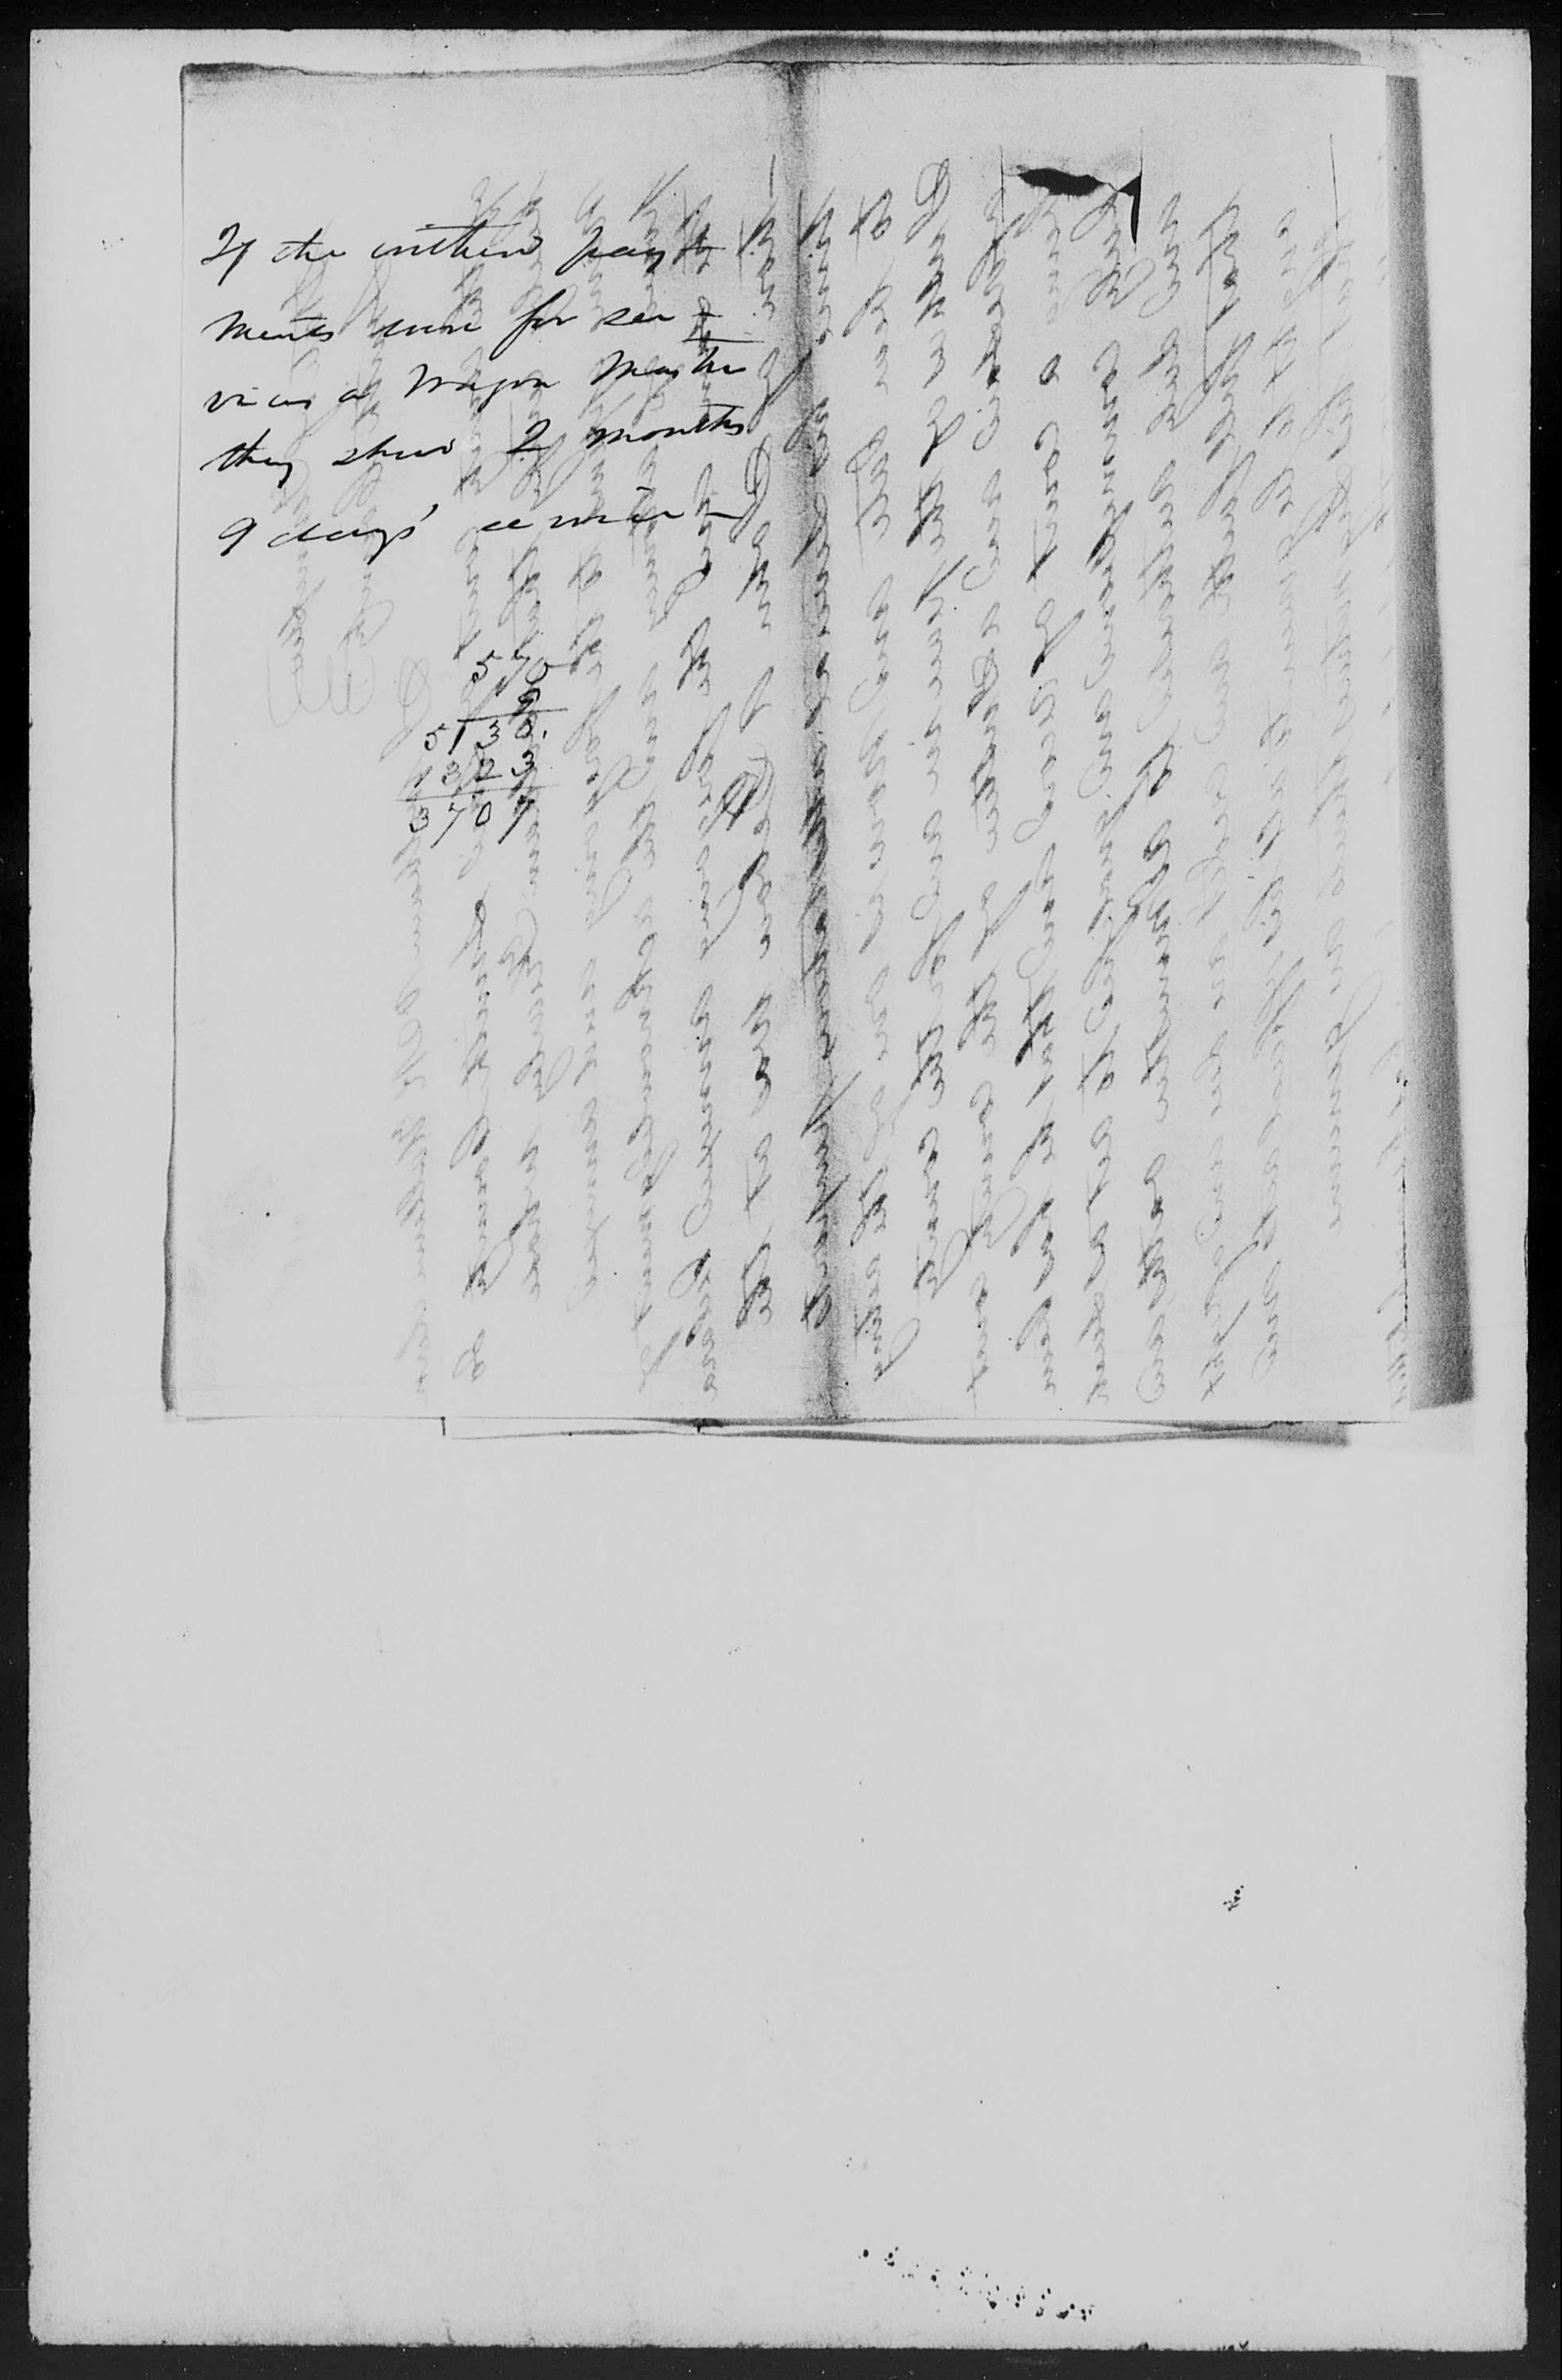[illegible] [illegible]pay -
Ments were for [illegible] as a Wagon Master
[illegible] show 2 months 9 days [illegible]
570
    9
5130
1323
----------
3707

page: 19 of 62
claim: widow's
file: W 7005, Frederick Debow, N.C.